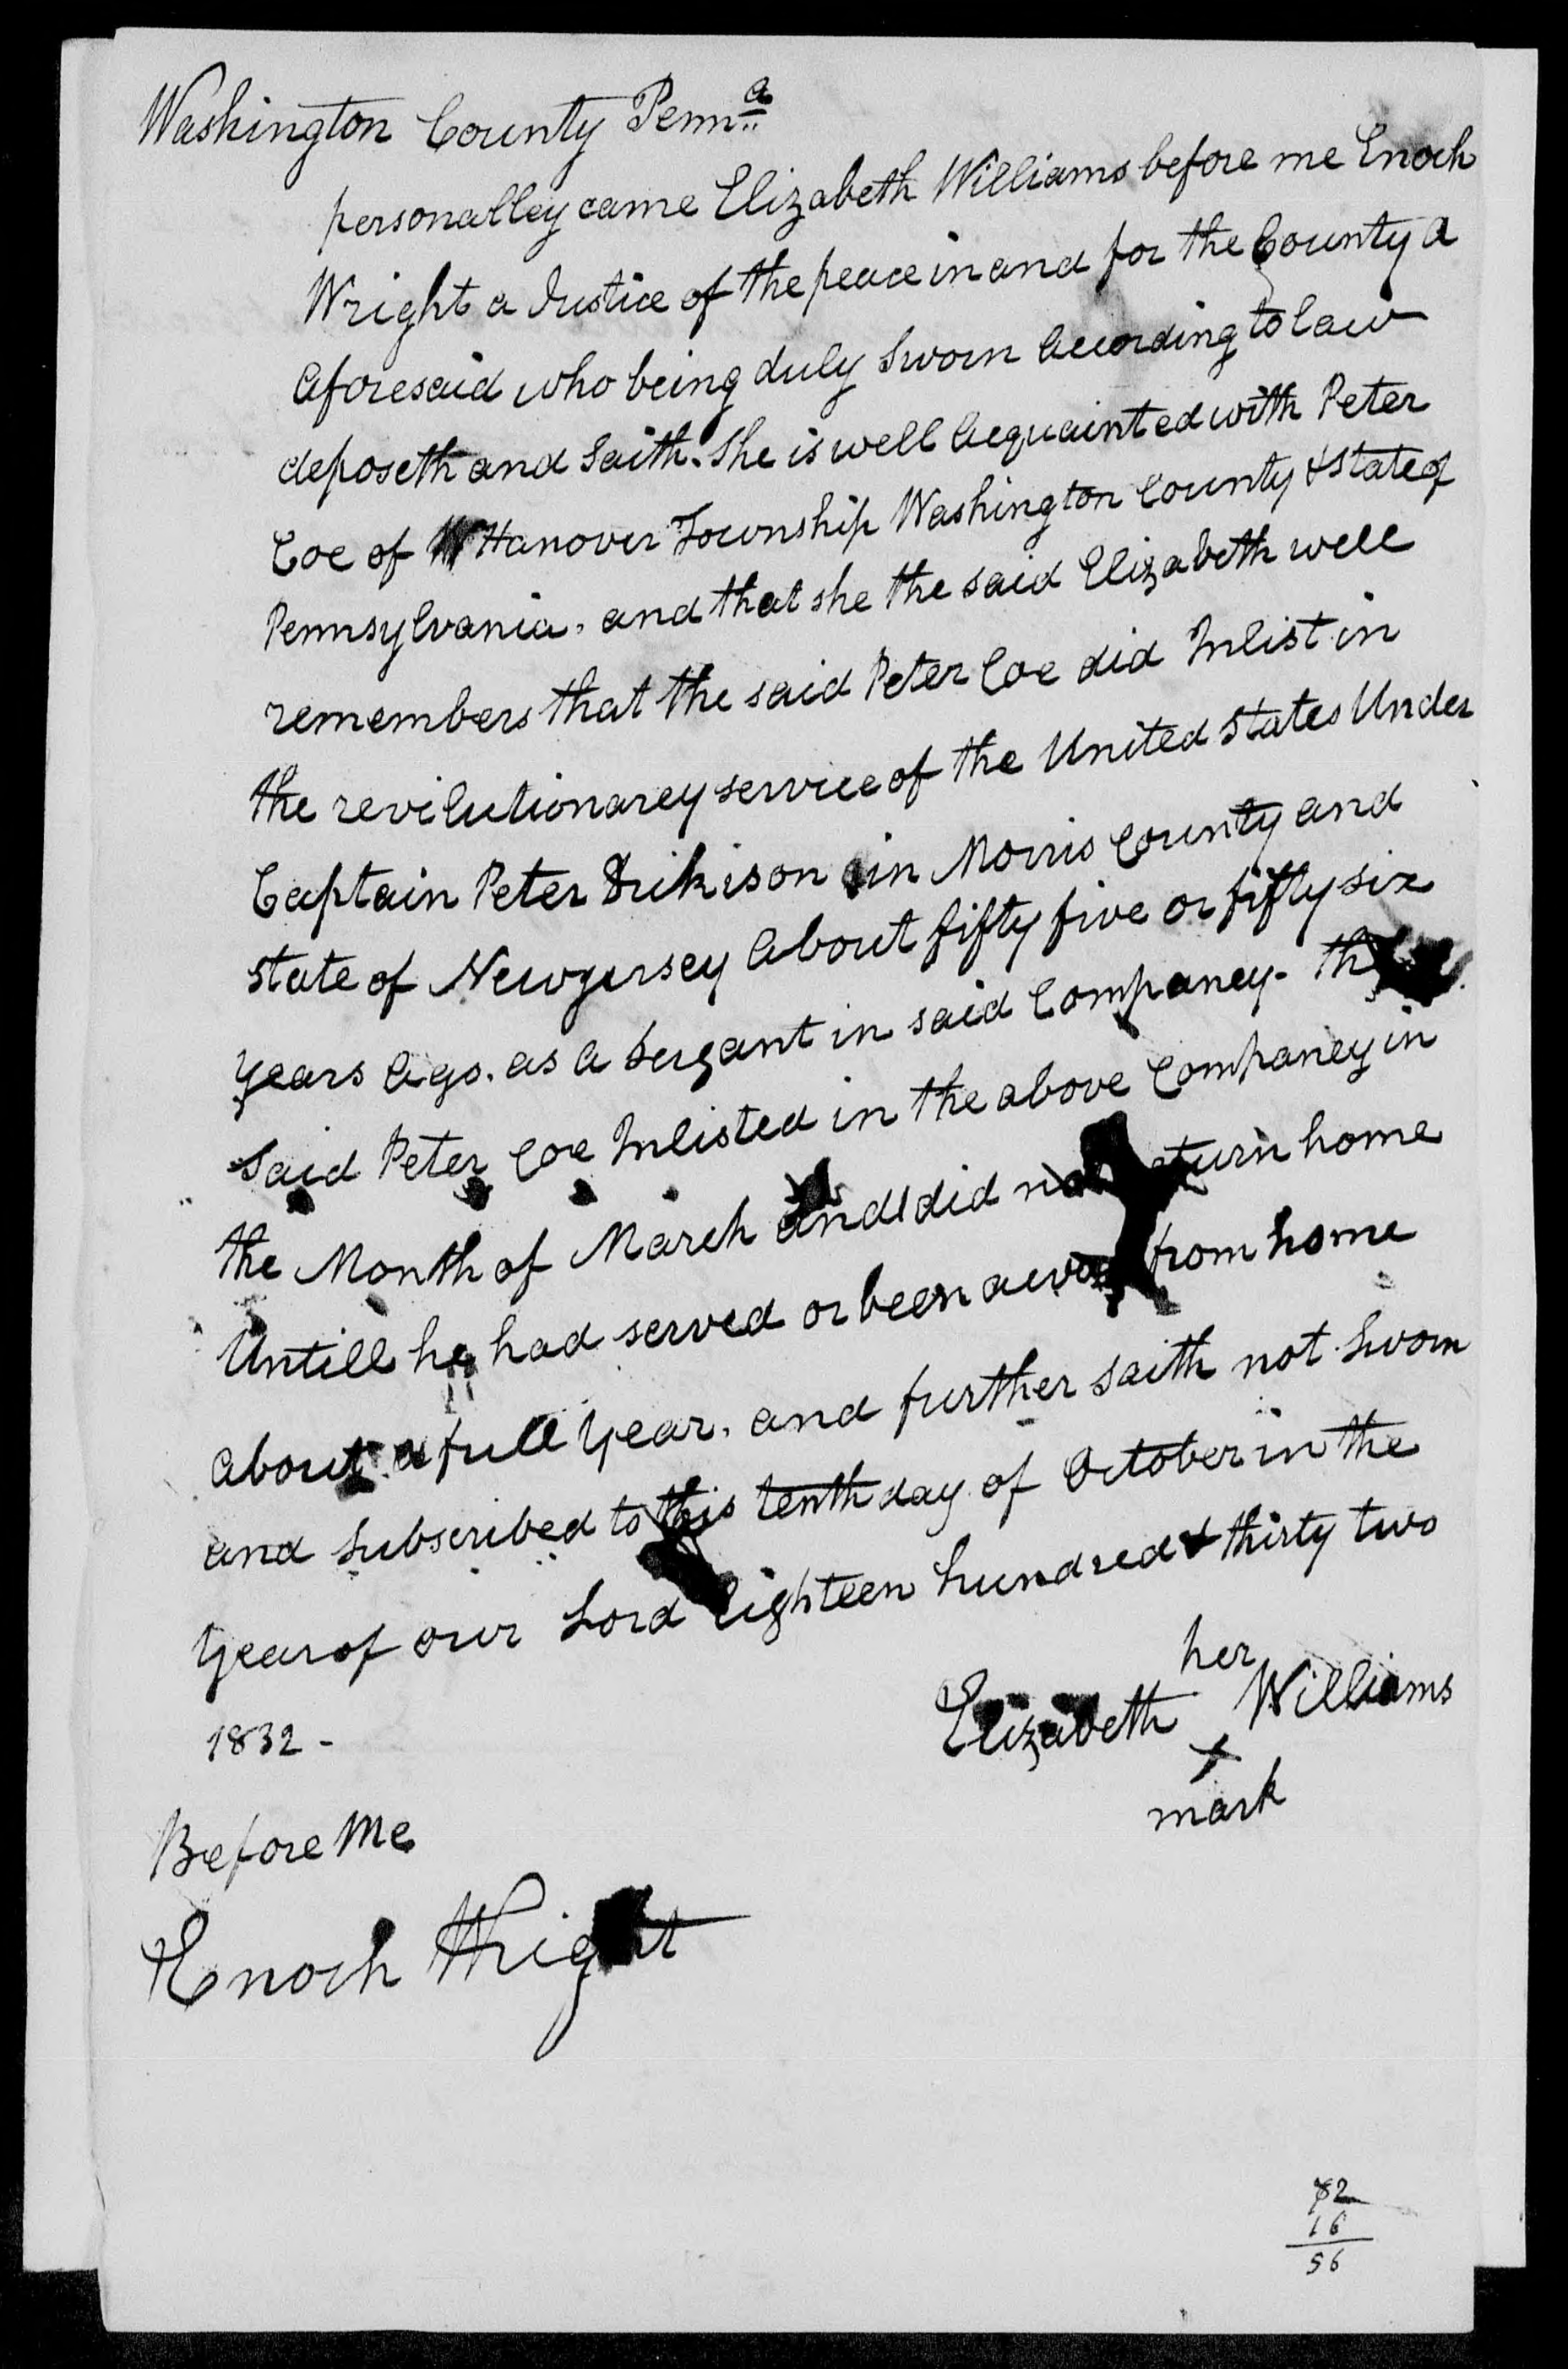Washington County Penna.
personally came Elizabeth Williams before me Enoch Wright a Justice of the peace in and for the County a aforesaid who being duly sworn according to law deposeth and saith she is well acquainted with Peter Coe of Hanover Township Washington County State of Pennsylvania, and that she the said Elizabeth well remembers that the said Peter Coe did Inlist in the revilutionarey service of the United States Under Captain Peter Dickison in Morris County and state of New Jersey about fifty five or fifty six years ago. as a sergaent in said Companey. The said Peter Coe Inlisted in the above Companey in the Month of March and did not return home Untill he had served or been away from home about a full year. and further saith not Sworn and subscribed to this tenth day October in the year of our Lord Eighteen hundred & thirty two 1832.
Elizabeth herXmark Williams
Before Me
Enoch Wright

[subtraction equation on bottom right] 72-16=56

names: Peter Coe, Peter Coe, Peter Coe, Peter Dickison, Enoch Wright, Elizabeth, Elizabeth Williams, Enoch Wright, Elizabeth Williams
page: 15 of 23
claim: survivor's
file: S. 3167, Peter Coe, New Jersey Penn.